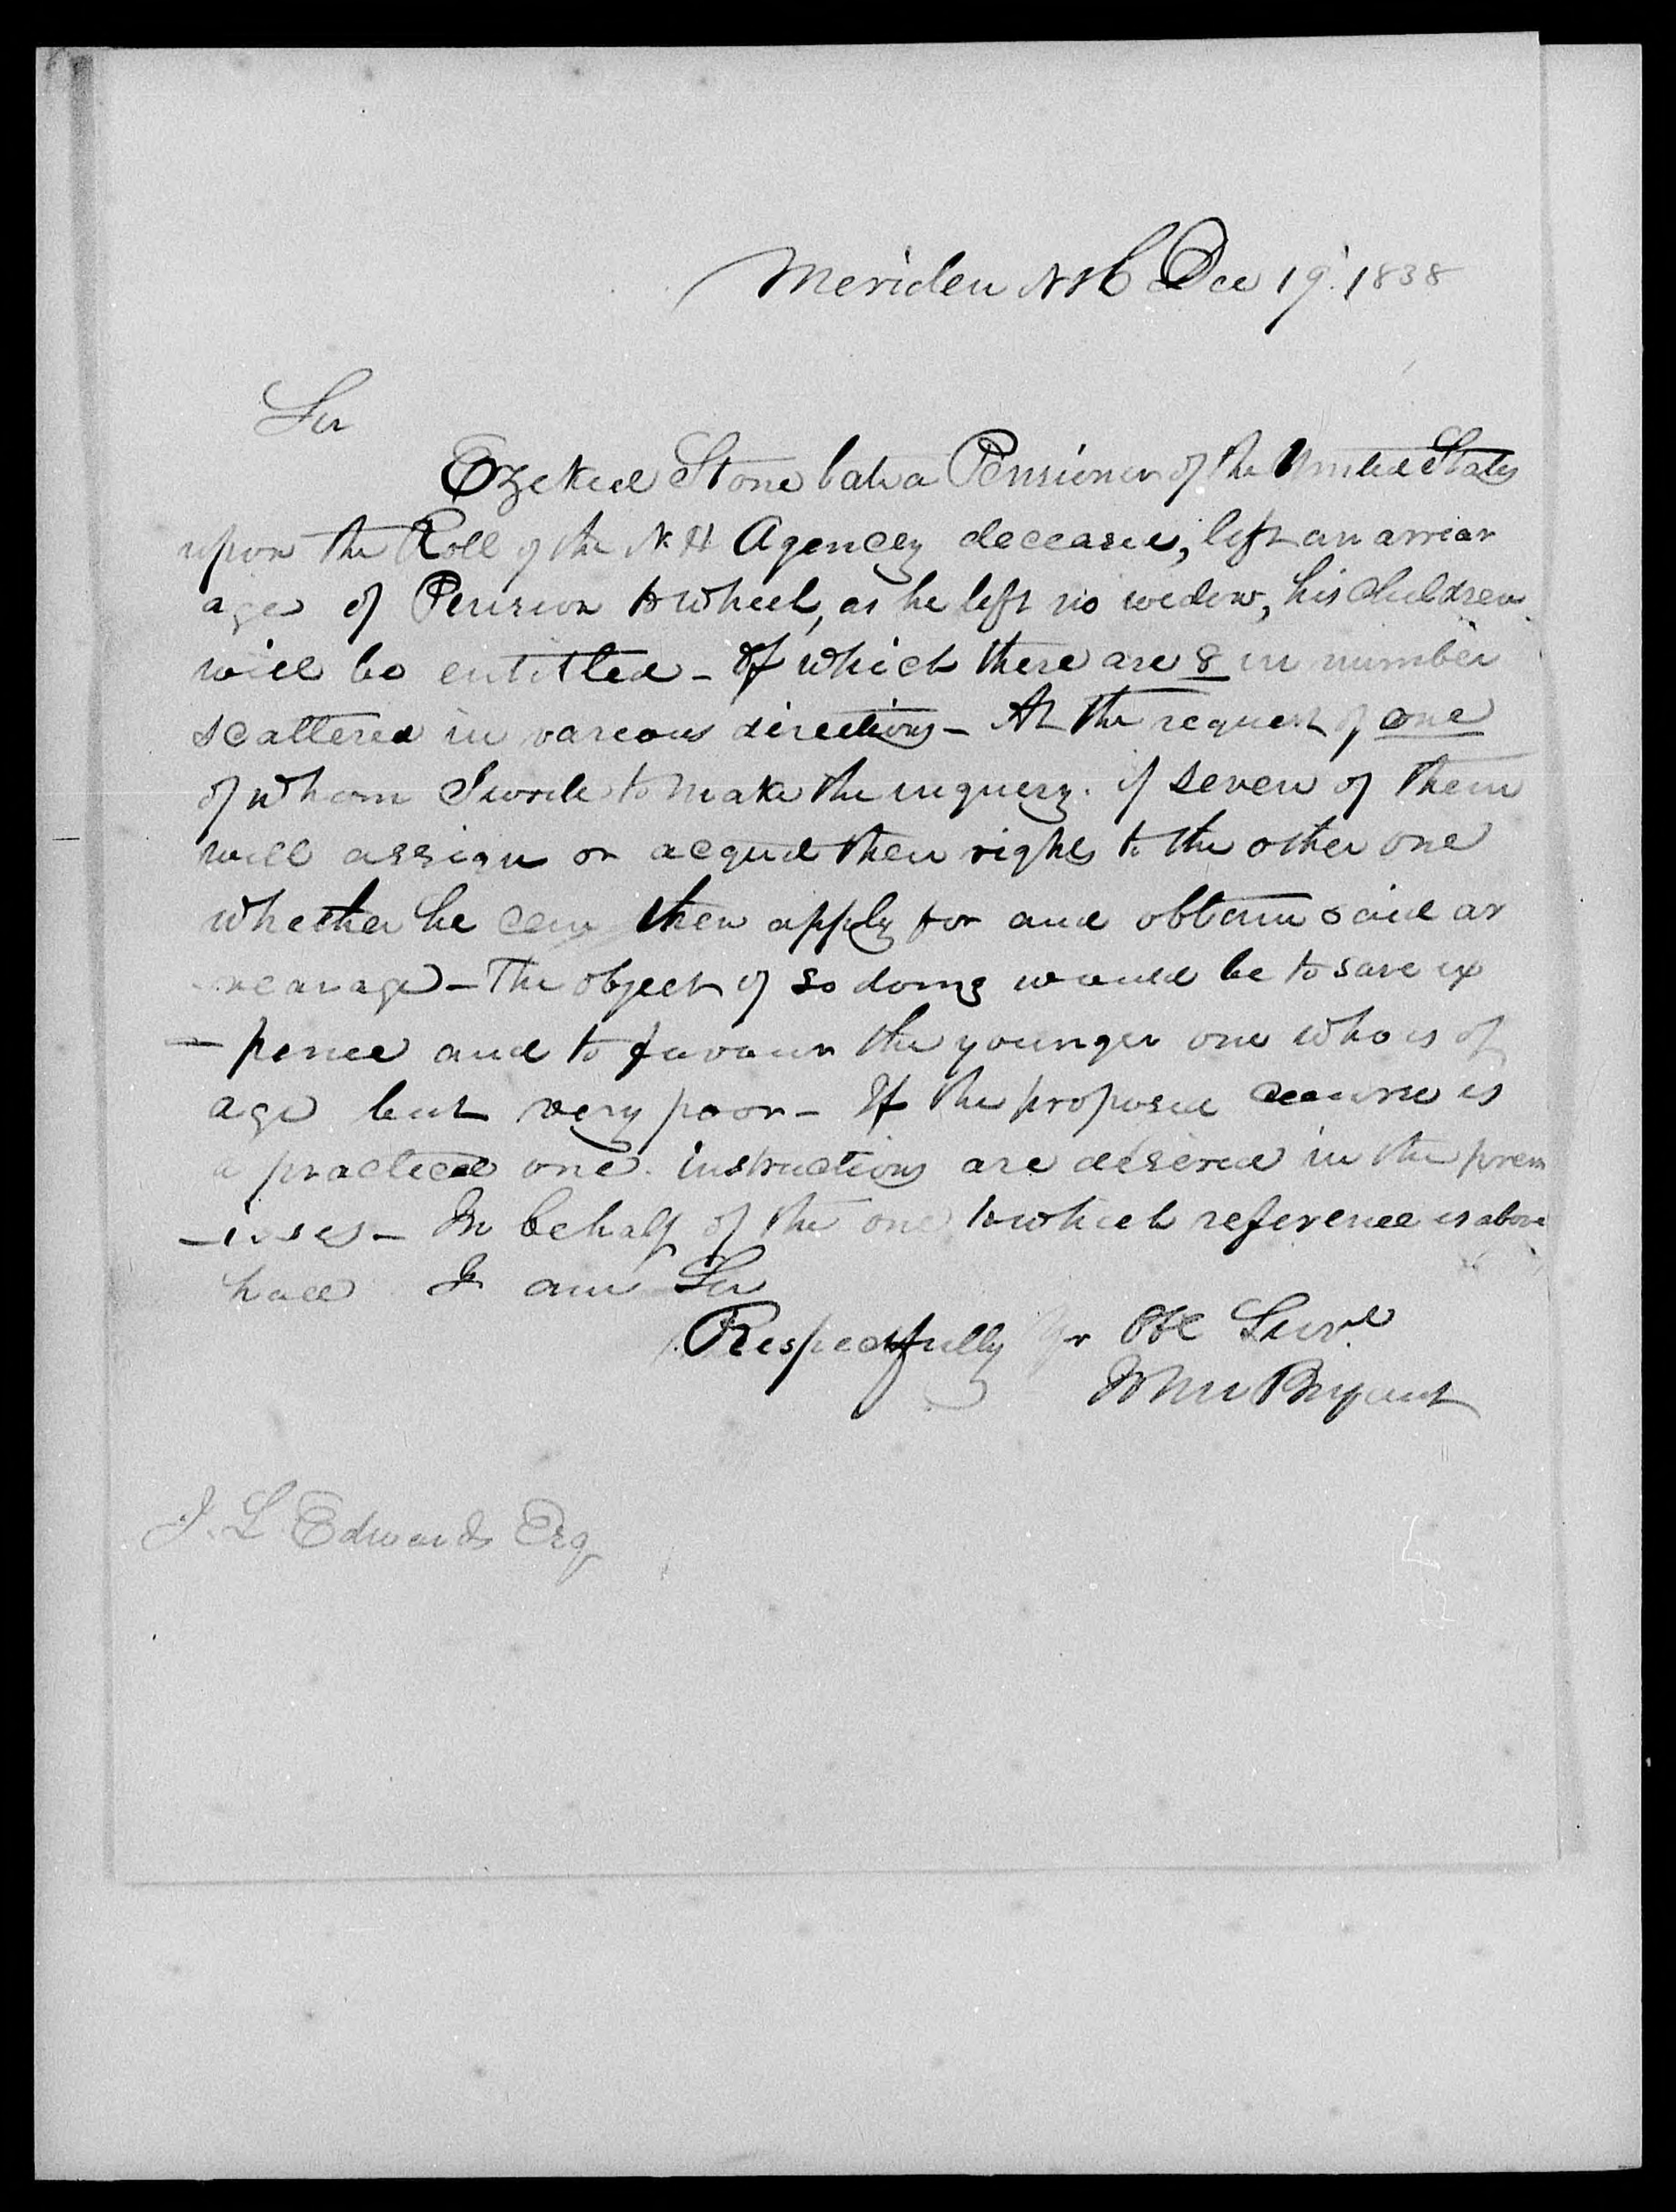Meriden NH  Dec 19"  1838

Sir

Ezekiel Stone late a Pensioner of the United States upon the Roll of the N.H. Agency deceased, left an arrearage of Pension to which, as he left no widow, his children will be entitled--of which there are 8 [underlined] in number scattered in various directions--At the request of one [underlined] of whom I work to make the inquiry, if seven of them will assign or acquit their rights to the other one whether he can then apply for and obtain said arrearage--The object of so long would be to save expence and to favour the younger one who is of age but very poor--If the proposed recourse is a practical one instructions are desired in the premises--In behalf of the one to which reference is above had I am Sir

Respectfully Yr Obt Servt
John Bryant

J.L. Edwards Esq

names: J L Edwards; Ezekiel Stone; John Bryant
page: 32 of 38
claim: survivor's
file: S. 43181, for Ezekiel Stone, New Hampshire